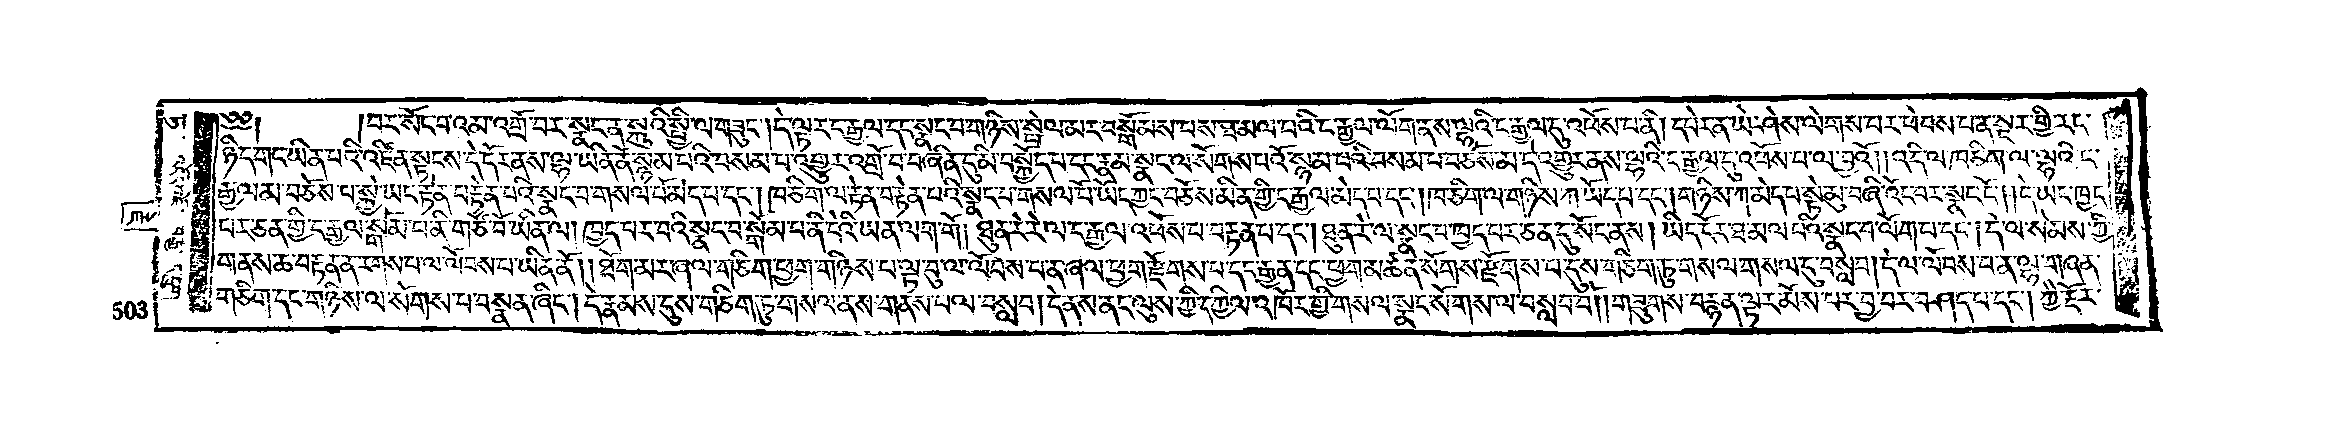༄༅། །བར་སོང་བའམ་འགྲོ་བར་སྣང་ན་སྐུའི་སྤྱི་ལ་གཟུང་། དེ་ལྟར་ང་རྒྱལ་དང་སྣང་བ་གཉིས་སྤེལ་མར་བསྒོམས་པས་ཐ་མལ་པའི་ང་རྒྱལ་ལོག་ནས་ལྷའི་ང་རྒྱལ་དུ་འཕོས་པ་ནི། དཔེར་ན་ཡེ་ཤེས་ལེགས་པར་ཕེབས་པ་ན་སྔར་གྱི་རང་
ཉིད་གང་ཡིན་པའི་འཛིན་སྟངས་དེ་དོར་ནས་ལྷ་ཡིན་ནོ་སྙམ་པའི་བསམ་པ་འགྱུར་འགྲོ་བ་བཞིན་དུ་མི་བསྐྱོང་པ་དང་རྣམ་སྣང་ལ་སོགས་པའོ་སྙམ་པའི་བསམ་པ་བཅོས་མ་དེ་འགྱུར་ནས་ལྷའི་ང་རྒྱལ་དུ་འཕོས་པ་ལ་བྱའོ། །འདི་ལ་ཁ་ཅིག་ལ་ལྷའི་ང་
རྒྱལ་མ་བཅོས་པ་སྐྱེ་ཡང་རྟེན་བརྟེན་པའི་སྣང་བ་གསལ་པོ་མེད་པ་དང་། ཁ་ཅིག་ལ་རྟེན་བརྟེན་པའི་སྣང་བ་གསལ་པོ་ཡོད་ཀྱང་བཅོས་མིན་གྱི་ང་རྒྱལ་མེད་པ་དང་། ཁ་ཅིག་ལ་གཉིས་ཀ་ཡོད་པ་དང་། གཉིས་ཀ་མེད་པ་སྟེ་མུ་བཞི་འོང་བར་སྣང་ངོ། །དེ་ཡང་ཁྱད་
པར་ཅན་གྱི་ང་རྒྱལ་སྒོམ་པ་ནི་གཙོ་བོ་ཡིན་ལ། ཁྱད་པར་བའི་སྣང་བ་སྒོམ་པ་ནི་དེའི་ཡན་ལག་གོ། །ཐུན་རེ་རེ་ལ་ང་རྒྱལ་འཕོས་པ་བརྟན་པ་དང་། ཐུན་རེ་ལ་སྣང་བ་ཁྱད་པར་ཅན་དུ་སོང་ནས། ཡིད་ངོར་ཐ་མལ་པའི་སྣང་བ་ལོག་པ་དང་། དེ་ལ་སེམས་ཀྱི་
གནས་ཆ་བརྟན་ན་རགས་པ་ལ་ལོབས་པ་ཡིན་ནོ། །ཐོག་མར་ཞལ་གཅིག་ཕྱག་གཉིས་པ་ལྟ་བུ་ལ་ལོབས་པ་ན་ཞལ་ཕྱག་རྫོགས་པ་དང་རྒྱན་དང་ཕྱག་མཚན་སོགས་རྫོགས་པ་དུས་གཅིག་ཏུ་གསལ་གསལ་དུ་བསླབ། དེ་ལ་ལོབས་པ་ན་ལྷ་གཞན་
གཅིག་དང་གཉིས་ལ་སོགས་པ་བསྣན་ཞིང་། དེ་རྣམས་དུས་གཅིག་ཏུ་གསལ་ནས་གནས་པ་ལ་བསླབ། དེ་ནས་ནད་ལུས་ཀྱི་དཀྱིལ་འཁོར་གྱི་གསལ་སྣང་སོགས་ལ་བསླབ་བོ། །གཟུགས་བརྙན་ལྟར་མོས་པར་བྱ་བར་བཤད་པ་དང་། ཀྱི་རྡོར་